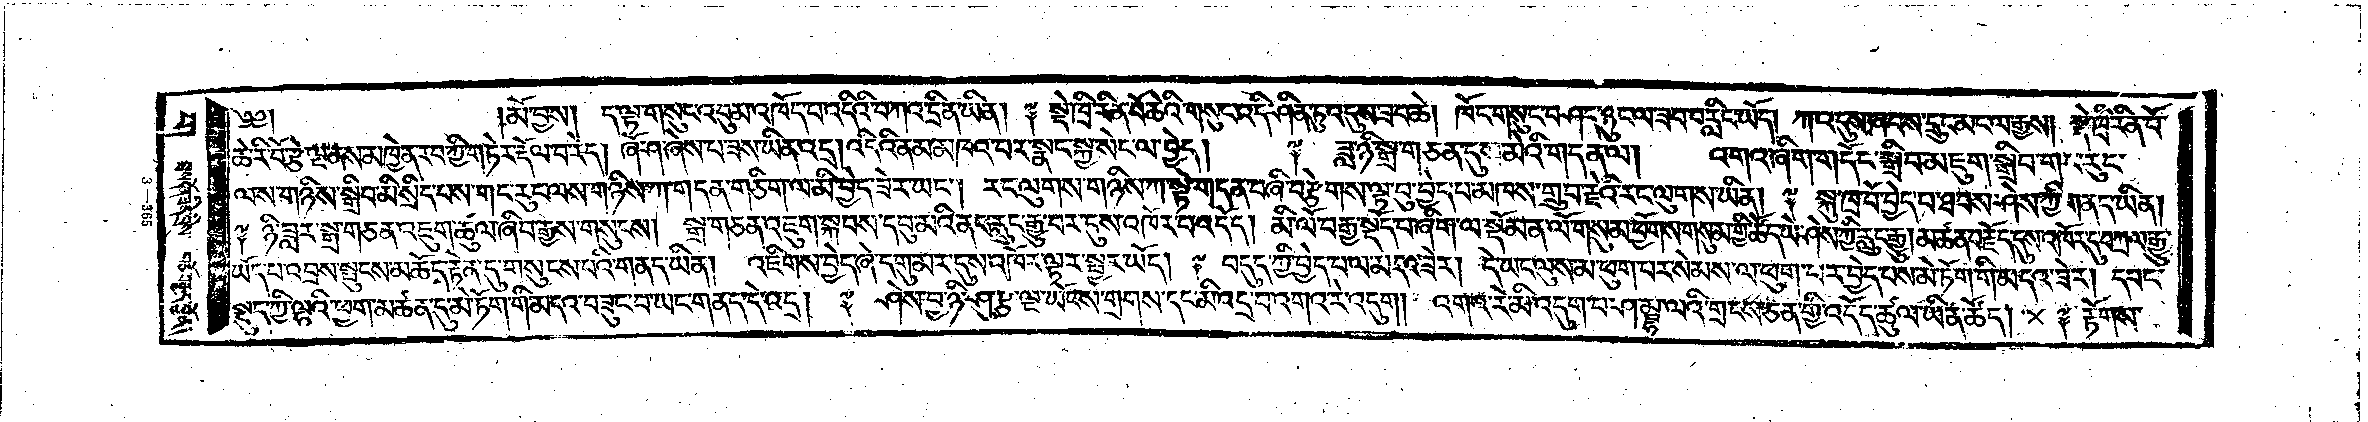༄༅། །མོ་བྱས། ད་ལྟ་གསུང་འབུམ་འཁོད་པ་འདིའི་བཀའ་དྲིན་ཡིན། ༈ སྡེ་ཁྲི་རིན་པོ་ཆེའི་གསུང་འདི་ཤིན་ཏུ་འདུས་ཟབ་ཆེ། ཁོང་གསུང་བཤད་ཉུང་ལ་ཟབ་བརླིང་ཡོད། ཀ་འདུས་ཞབས་དྲུང་མངལ་རྒྱས། སྡེ་ཁྲི་རིན་པོ་
ཆེ་རི་བོ་རྩེ་ལྔ་ནས་མཁྱེན་རབ་ཀྱི་གཏེར་རྡོལ་བ་རེད། ཞོ་ཤ་ཞེས་པ་ཟས་ཡིན་འདྲ། འདིའི་ནམ་མཁའ་བར་སྣང་སྐྱ་སེང་ལ་བྱེད། ༈ ཟླ་ཉི་སྒྲ་གཅན་དུས་མེའི་གདན་ལ། འགའ་ཞིག་གདོང་སྒྲིབ་མཇུག་སྒྲིབ་གང་རུང་
ལས་གཉིས་སྒྲིབ་མི་སྲིད་པས་གང་རུང་ལས་གཉིས་ཀ་གདན་གཅིག་ལ་མི་བྱེད་ཟེར་ཡང་། རང་ལུགས་གཉིས་ཀ་སྟེ་གདན་བཞི་བརྩེགས་ལྟ་བུ་བྱེད་པ་མཁས་གྲུབ་རྗེའི་རང་ལུགས་ཡིན། ༈ སྐྱུ་ཁྲ་བོ་བྱེད་པ་ཐབས་ཤེས་ཀྱི་གནད་ཡིན།
༈ ཉི་ཟླར་སྒྲ་གཅན་འཇུག་ཚུལ་ཞིབ་རྒྱས་གསུངས། སྒྲ་གཅན་འཇུག་སྐབས་དབུ་མའི་ནང་རླུང་རྒྱུ་བར་དུས་འཁོར་བ་འདོད། མི་ལོ་བརྒྱ་སྡོད་པ་ཞིག་ལ་སྡོམ་ན་ལོ་གསུམ་ཕྱོགས་གསུམ་གྱི་ཚོད་ཡེ་ཤེས་ཀྱི་རླུང་རྒྱུ། མཚན་བརྗོད་དུས་འཁོར་དུ་བཀྲལ་རྒྱུ་
ཡོད་པ་འབྲས་སྤུངས་མཆོད་རྟེན་དུ་གསུངས་པའི་གནད་ཡིན། འཇིགས་བྱེད་ཞེ་དགུ་མར་དུས་འཁོར་ལྟར་སྦྱར་ཡོད། ༈ བདུད་ཀྱི་བྱེད་པ་ལ་མདའ་ཟེར། དེ་ཡང་ལུས་མ་ཕུག་བར་སེམས་ལ་ཕུག་བར་བྱེད་བས་མེ་ཏོག་གི་མདའ་ཟེར། དབང་
སྡུད་ཀྱི་ལྷའི་ཕྱག་མཚན་དུ་མེ་ཏོག་གི་མདའ་བཟུང་བ་ཡང་གནད་དེ་འདྲ། ༈ ཤེས་བྱ་ཉི་ཤུ་རྩ་ལྔ་ཡོངས་གྲགས་དང་མི་འདྲ་བ་འགའ་རེ་འདུག། འགའ་རེ་མི་འདུག་པ་ཤམྦྷ་ལའི་གྲངས་ཅན་གྱི་འདོད་ཚུལ་ཡིན་ཚོད། ྾་༈ རྟོགས་